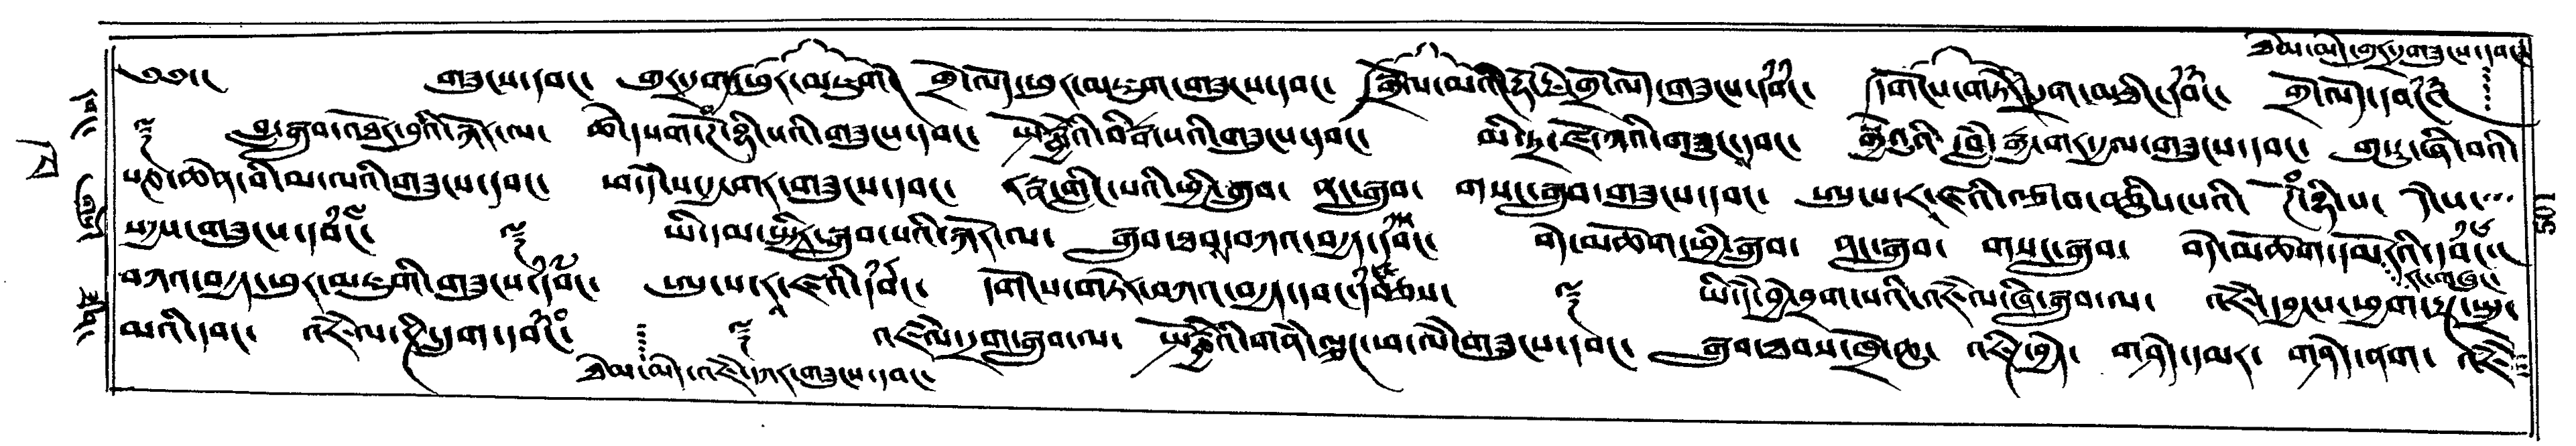གཟུངས་དབང་། གུར་དྲག་ཕུར་མཇུག། གྲོ་ལོད་ཕུར་མཇུག་གཟུངས་དབང་། སྒྲོལ་མའི་རྡོ་རྗེ་གྲོ་ལོད་གཟུངས་དབང་།༡༡ དགོངས་གཏེར་དྲག་མཐིང་དབང་༡༢། གྲོ་ལོད་དབང་༡༣། ཐེག་མེད་གུར་དྲག་གཟུངས་དབང་། 
༈ བླ་སྒྲུབ་འཐོར་བུའི་སྐོར་ལ། ཚེ་དཔག་ཌོམ་བྷི་པའི་གཟུངས་དབང་། པོརྞཻཡའི་(?)བིརྦ་པའི་གཟུངས་དབང་། མི་ཏྲ་ཛོ་ཀའི་གཟུངས་དབང་། སྒྱེའུའི་བླ་མ་རྒྱ་གར་རྒྱལ་གཟུངས་དབང་། གུ་རུ་ཞི་བའི་
པཎ་ཆེན་བི་མ་ལའི་གཟུངས་དབང་། ཕ་དམ་པ་རྒྱ་གར་གཟུངས་དབང་། རཏྣ་གླིང་པའི་ཕྱི་སྒྲུབ་ནང་སྒྲུབ། གསང་སྒྲུབ་གཟུངས་དབང་། ཨུཔ་རཱ་ཛའི་རྩ་བ་བཅུ་གཉིས་པའི། ཌོཾ་བྷི་པ། དམ་པ་
སངས་རྒྱས་གཟུངས་དབང་༡༤། ༈ ཡི་དམ་སྤྱིར་སྒྲུབ་པའི་སྐོར་ལ། སྒྲུབ་ཐབས་བཀའ་བརྒྱད་དབང་༡༥། བདེ་མཆོག་ཕྱི་སྒྲུབ། ནང་སྒྲུབ། གསང་སྒྲུབ། བདེ་མཆོག་དམར་པོའི་རང་གཞུང་དབང༡༦་། 
བཀའ་བརྒྱད་ཕུར་མཇུག་གི་གཟུངས་དབང༡༧་། ཨུ་པ་རཱ་ཛའི་དབང་༡༨་། དགོངས་གཏེར་བཀའ་བརྒྱད་དབང་༡༩བཅས།༈ ཡི་དམ་བྱེ་བྲག་པའི་འཇམ་དཔལ་ཞི་སྒྲུབ་ལ། འཇམ་དབྱངས་ཕྱག་རྟགས་སྤྲ་
མའི་དབང་། འཇམ་དཔལ་རིགས་དྲུག་དབང་༢༠། ཐེམ་མེད་འཇམ་དཀར་གཟུངས་དབང་། ༈ འཇམ་དཔལ་དྲག་སྒྲུབ་ལ། གནམ་ལྕགས་ཕ་ལམ་གཟུངས་དབང་། སྒྲུབ་ཐབས་ཁྲོ་ཆུ། འཇིགས་བྱེད། གཤེད་དམར། །གཤེད་ནག འཇམ་